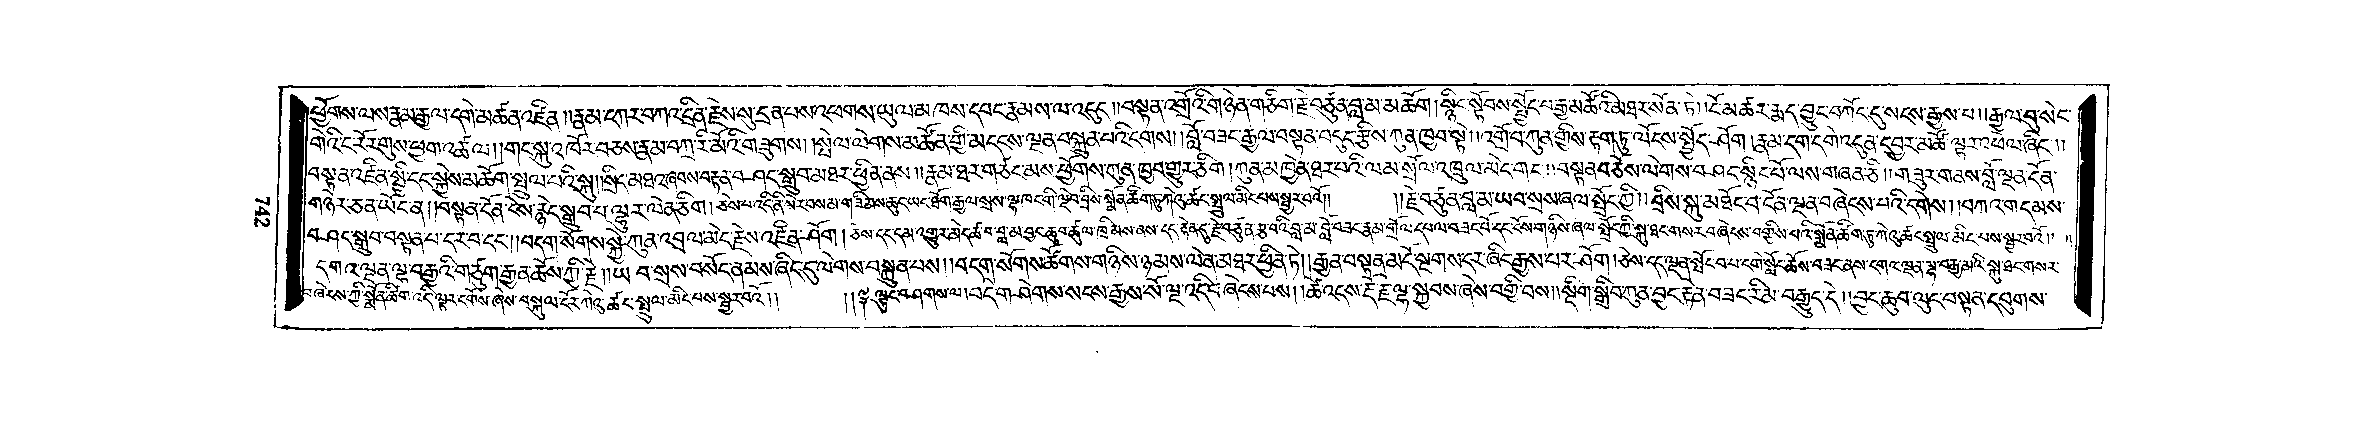ཕྱོགས་ལས་རྣམ་རྒྱལ་དགེ་མཚན་འཛིན། །རྣམ་དཀར་བཀའ་དྲིན་རྗེས་སུ་དྲན་པས་འཕགས་ཡུལ་མཁས་དབང་རྣམས་ལ་འདུད། །བསྟན་འགྲོའི་གཉེན་གཅིག་རྗེ་བཙུན་བླ་མ་མཆོག །སྙིང་སྟོབས་སྤྱོད་པ་རྒྱ་མཚོའི་མཐར་སོན་ཏེ། །ངོ་མཚར་རྨད་བྱུང་བཀོད་དུ་སངས་རྒྱས་པ། །རྒྱལ་བུ་སེང་
གེའི་ང་རོར་གུས་ཕྱག་འཚལ། །གང་སྐུ་འཁོར་བཅས་རྣམ་བཀྲ་རི་མོའི་གཟུགས། །སྤེལ་ལེགས་མཚོན་གྱི་མདངས་ལྡན་བསྐྲུན་པའི་དགས། །བློ་བཟང་རྒྱལ་བསྟན་བདུད་རྩིས་ཀུན་ཁྱབ་སྟེ། །འགྲོ་བ་ཀུན་གྱིས་རྟག་ཏུ་ལོངས་སྤྱོད་ཤོག །རྣམ་དག་དགེ་འདུན་དབྱར་མཚོ་ལྟར་འཕེལ་ཞིང་། །
བསྟན་འཛིན་སྤྱི་དང་སྐྱེས་མཆོག་སྤྲུལ་པའི་སྐུ། །སྲིད་མཐའ་ཞབས་བརྟན་བཤད་སྒྲུབ་མཐར་ཕྱིན་ནས། །རྣམ་ཐར་གཙང་མས་ཕྱོགས་ཀུན་ཁྱབ་གྱུར་ཅིག །ཀུན་མཁྱེན་ཐར་པའི་ལམ་སྲོལ་འཁྲུལ་མེད་གང་། །བསྟན་བཅོས་ལེགས་བཤད་སྙིང་པོ་ལས་གཞན་ཅི། །གཟུར་གནས་བློ་ལྡན་དོན་
གཉེར་ཅན་ཡོང་ན། །བསྟན་དོན་ངེས་རྙེད་སྒྲུབ་པ་ལྷུར་ལེན་ཅིག །ཅེས་པ་འདི་ནི་སེར་བསམ་གཟིམས་ཆུད་ཡང་ཐོག་རྒྱལ་སྲས་ལྷ་ཁང་གི་ལྡེབ་བྲིས་སྨོན་ཚིག་ཏུ་ཀེའུ་ཚང་སྤྲུལ་མིང་པས་སྦྱར་བའོ།། །།རྗེ་བཙུན་བླ་མ་ཡབ་སྲས་ཞལ་སྤྲོད་ཀྱི། །བྲིས་སྐུ་མཐོང་བ་དོན་ལྡན་བཞེངས་པའི་དགེས། །བཀའ་གདམས་
བཤད་སྒྲུབ་བསྟན་པ་དར་བ་དང་། །བདག་སོགས་སྐྱེ་ཀུན་འབྲལ་མེད་རྗེས་འཛིན་ཤོག །ཅེས་དང་དམ་འགྱུར་མེད་ཚ་བ་བླ་མ་བྱང་ཆུབ་ཚུལ་ཁྲིམས་ནས་དད་རྟེན་དུ་རྗེ་བཙུན་རྩ་བའི་བླ་མ་བློ་བཟང་རྣམ་གྲོལ་དཔལ་བཟང་པོ་དང་ངོས་གཉིས་ཞལ་སྤྲོད་ཀྱི་སྐུ་ཐང་གསར་བཞེངས་བགྱིས་པའི་སྨོན་ཚིག་ཏུ་ཀེའུ་ཚང་སྤྲུལ་མིང་པས་སྦྱར་བའོ།། །།
དགའ་ལྡན་ལྷ་བརྒྱའི་གཙུག་རྒྱན་ཆོས་ཀྱི་རྗེ། །ཡབ་སྲས་བསོད་ནམས་ཞིང་དུ་ལེགས་བསྐྲུན་པས། །བདག་སོགས་ཚོགས་གཉིས་ཉམས་ལེན་མཐར་ཕྱིན་ཏེ། །རྒྱན་བསྟན་མདོ་སྔགས་དར་ཞིང་རྒྱས་པར་ཤོག །ཅེས་དད་ལྡན་སྤོང་བ་པ་དགེ་སློང་ཆོས་བཟང་ནས་དགའ་ལྡན་ལྷ་བརྒྱ་མའི་སྐུ་ཐང་གསར་
བཞེངས་ཀྱི་སྨོན་ཚིག་འདི་ལྟར་དགོས་ཞེས་བསྐུལ་ངོར་ཀེའུ་ཚང་སྤྲུལ་མིང་པས་སྦྱར་བའོ།། །།༈ ལྟུང་བཤགས་ལ། བདེ་གཤེགས་སངས་རྒྱས་སོ་ལྔ་འདི་བཞེངས་པས། །ཚེ་འདས་རྡོ་རྗེ་ལྷ་སྐྱབས་ཞེས་བགྱི་བས། །སྡིག་སྒྲིབ་ཀུན་བྱང་རྟེན་བཟང་རིམ་བརྒྱུད་དེ། །བྱང་ཆུབ་ལུང་བསྟན་དབུགས་